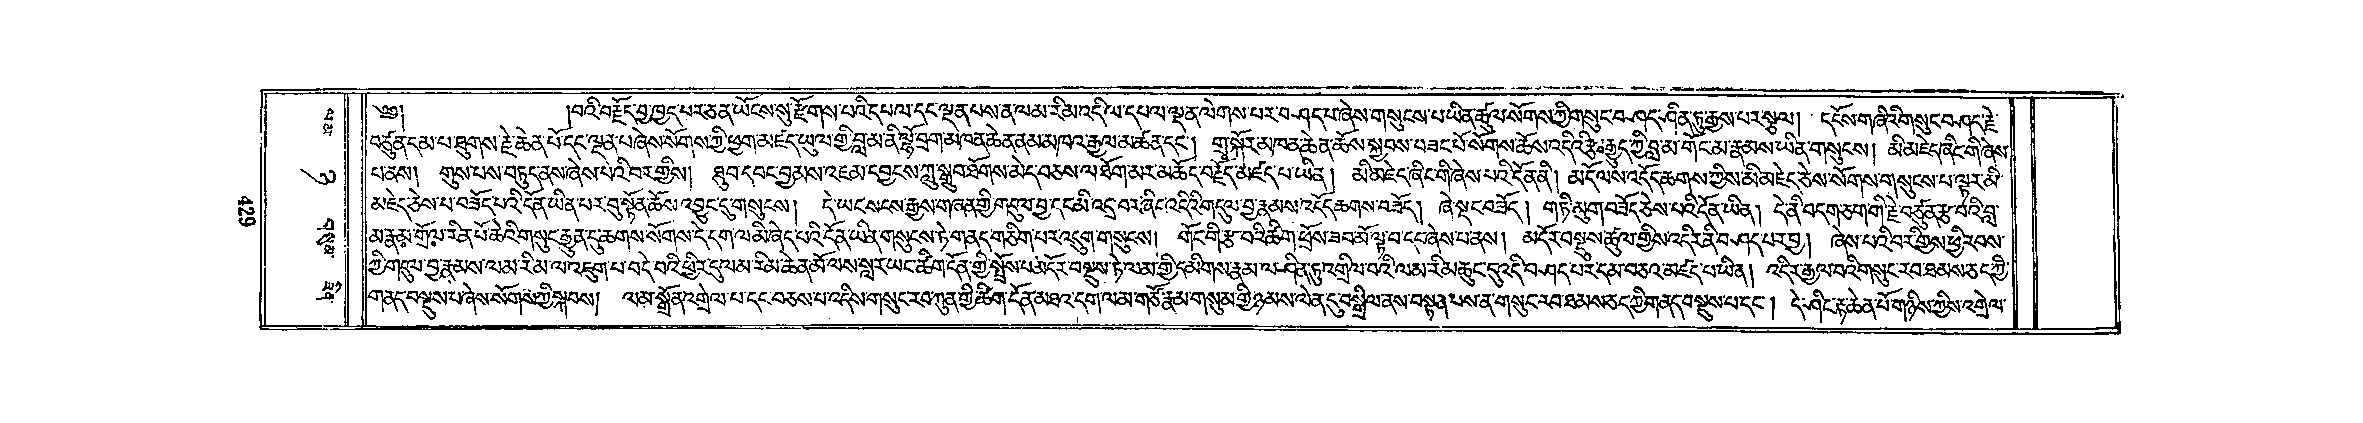༄༅། །བའི་བརྗོད་བྱ་ཁྱད་པར་ཅན་ཡོངས་སུ་རྫོགས་པའི་དཔལ་དང་ལྡན་པས་ན་ལམ་རིམ་འདི་ལ་དཔལ་ལྡན་ལེགས་པར་བཤད་པ་ཞེས་གསུངས་པ་ཡིན་ཚུལ་སོགས་ཀྱི་གསུང་བཤད་ཤིན་ཏུ་རྒྱས་པར་སྩལ། དངོས་གཞིའི་གསུང་བཤད་རྗེ་
བཙུན་དམ་པ་ཐུགས་རྗེ་ཆེན་པོ་དང་ལྡན་པ་ཞེས་སོགས་ཀྱི་ཕྱག་མཛད་ཡུལ་གྱི་བླ་མ་ནི་ལྷོ་བྲག་མཁན་ཆེན་ནམ་མཁའ་རྒྱལ་མཚན་དང་། གྲྭ་སྐོར་མཁན་ཆེན་ཆོས་སྐྱབས་བཟང་པོ་སོགས་ཆོས་འདིའི་རྩ་བརྒྱུད་ཀྱི་བླ་མ་གོང་མ་རྣམས་ཡིན་གསུངས། མི་མཇེད་ཞིང་གི་ཞེས་
པ་ནས། གུས་པས་བཏུད་ནས་ཞེས་པའི་བར་གྱིས། ཐུབ་དབང་བྱམས་འཇམ་དབྱངས་ཀླུ་སྒྲུབ་ཐོགས་མེད་བཅས་ལ་ཐོག་མར་མཆོད་བརྗོད་མཛད་པ་ཡིན། མི་མཇེད་ཞིང་གི་ཞེས་པའི་དོན་ནི། མདོ་ལས་འདོད་ཆགས་ཀྱིས་མི་མཇེད་ཅེས་སོགས་གསུངས་པ་ལྟར་མི་
མཇེད་ཅེས་པ་བཟོད་པའི་དོན་ཡིན་པར་བུ་སྟོན་ཆོས་འབྱུང་དུ་གསུངས། དེ་ཡང་སངས་རྒྱས་གཞན་གྱི་གདུལ་བྱ་དང་མི་འདྲ་བར་ཞིང་འདིའི་གདུལ་བྱ་རྣམས་འདོད་ཆགས་བཟོད། ཞེ་སྡང་བཟོད། གཏི་མུག་བཟོད་ཅེས་པའི་དོན་ཡིན། དེ་ནི་བདག་ཅག་གི་རྗེ་བཙུན་རྩ་བའི་བླ་
མ་རྣམ་གྲོལ་རིན་པོ་ཆེའི་གསུང་རྒྱུན་དུ་ཆགས་སོགས་དེ་དག་ལ་མི་ཞེད་པའི་དོན་ཡིན་གསུངས་ཏེ་གནད་གཅིག་པར་འདུག་གསུངས། གོང་གི་རྩ་བའི་ཚིག་ཕྲོས་ཟབ་མོ་ལྟ་བ་དང་ཞེས་པ་ནས། མདོར་བསྡུས་ཚུལ་གྱིས་འདིར་ནི་བཤད་པར་བྱ། །ཞེས་པའི་བར་གྱིས་ཕྱི་རབས་
ཀྱི་གདུལ་བྱ་རྣམས་ལམ་རིམ་ལ་འཇུག་པ་བདེ་བའི་ཕྱིར་དུ་ལམ་རིམ་ཆེན་མོ་ལས་སླར་ཡང་ཚིག་དོན་གྱི་སྤྲོས་པ་མདོར་བསྡུས་ཏེ་ལམ་གྱི་དམིགས་རྣམ་ལ་ཤིན་ཏུ་འགྲིལ་བའི་ལམ་རིམ་ཆུང་ངུ་འདི་བཤད་པར་དམ་བཅའ་མཛད་པ་ཡིན། འདིར་རྒྱལ་བའི་གསུང་རབ་ཐམས་ཅད་ཀྱི་
གནད་བསྡུས་པ་ཞེས་སོགས་ཀྱི་སྐབས། ལམ་སྒྲོན་འགྲེལ་པ་དང་བཅས་པ་འདིས་གསུང་རབ་ཀུན་གྱི་ཚིག་དོན་མཐའ་དག་ལམ་གཙོ་རྣམ་གསུམ་གྱི་ཉམས་ལེན་དུ་བསྒྲིལ་ནས་བསྟན་པས་ན་གསུང་རབ་ཐམས་ཅད་ཀྱི་གནད་བསྡུས་པ་དང་། དེ་ཤིང་རྟ་ཆེན་པོ་གཉིས་ཀྱིས་འགྲེལ་